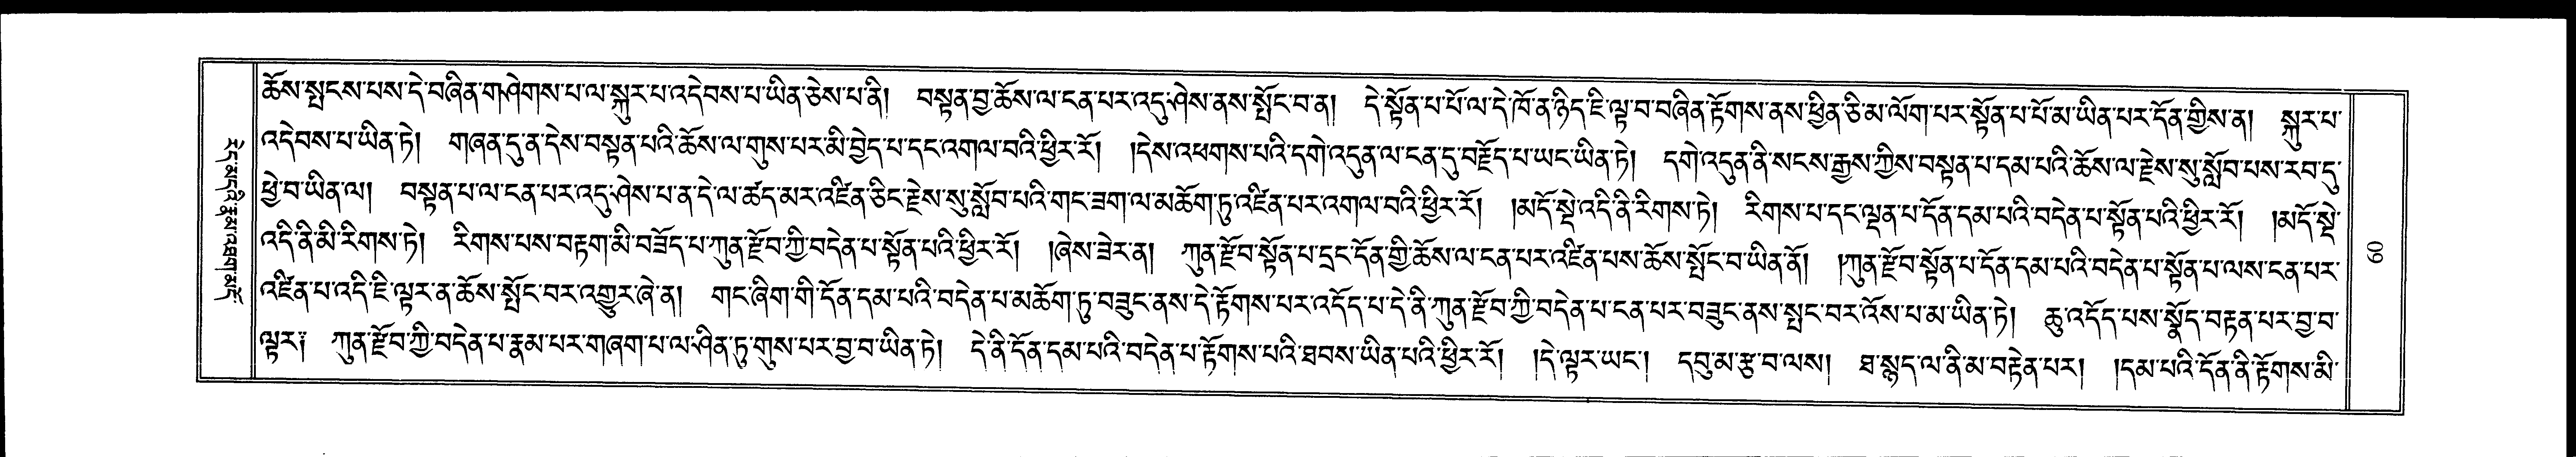ཆོས་སྤངས་པས་དེ་བཞིན་གཤེགས་པ་ལ་སྐུར་པ་འདེབས་པ་ཡིན་ཅེས་པ་ནི། བསྟན་བྱ་ཆོས་ལ་ངན་པར་འདུ་ཤེས་ནས་སྤོང་བ་ན། དེ་སྟོན་པ་པོ་ལ་དེ་ཁོ་ན་ཉིད་ཇི་ལྟ་བ་བཞིན་རྟོགས་ནས་ཕྱིན་ཅི་མ་ལོག་པར་སྟོན་པ་པོ་མ་ཡིན་པར་དོན་གྱིས་ན། སྐུར་པ་
འདེབས་པ་ཡིན་ཏེ། གཞན་དུ་ན་དེས་བསྟན་པའི་ཆོས་ལ་གུས་པར་མི་བྱེད་པ་དང་འགལ་བའི་ཕྱིར་རོ། །དེས་འཕགས་པའི་དགེ་འདུན་ལ་ངན་དུ་བརྗོད་པ་ཡང་ཡིན་ཏེ། དགེ་འདུན་ནི་སངས་རྒྱས་ཀྱིས་བསྟན་པ་དམ་པའི་ཆོས་ལ་རྗེས་སུ་སློབ་པས་རབ་དུ་
ཕྱེ་བ་ཡིན་ལ། བསྟན་པ་ལ་ངན་པར་འདུ་ཤེས་པ་ན་དེ་ལ་ཚད་མར་འཛིན་ཅིང་རྗེས་སུ་སློབ་པའི་གང་ཟག་ལ་མཆོག་ཏུ་འཛིན་པར་འགལ་བའི་ཕྱིར་རོ། །མདོ་སྡེ་འདི་ནི་རིགས་ཏེ། རིགས་པ་དང་ལྡན་པ་དོན་དམ་པའི་བདེན་པ་སྟོན་པའི་ཕྱིར་རོ། །མདོ་སྡེ་
དེ་ནི་མི་རིགས་ཏེ། རིགས་པས་བརྟག་མི་བཟོད་པ་ཀུན་རྫོབ་ཀྱི་བདེན་པ་སྟོན་པའི་ཕྱིར་རོ། །ཞེས་ཟེར་ན། ཀུན་རྫོབ་སྟོན་པ་དྲང་དོན་གྱི་ཆོས་ལ་ངན་པར་འཛིན་པས་ཆོས་སྤོང་བ་ཡིན་ནོ། །ཀུན་རྫོབ་སྟོན་པ་དོན་དམ་པའི་བདེན་པ་སྟོན་པ་ལས་ངན་པར་
འཛིན་པ་འདི་ཇི་ལྟར་ན་ཆོས་སྤོང་བར་འགྱུར་ཞེ་ན། གང་ཞིག་གི་དོན་དམ་པའི་བདེན་པ་མཆོག་ཏུ་བཟུང་ནས་དེ་རྟོགས་པར་འདོད་པ་དེ་ནི་ཀུན་རྫོབ་ཀྱི་བདེན་པ་ངན་པར་བཟུང་ནས་སྤང་བར་འོས་པ་མ་ཡིན་ཏེ། ཆུ་འདོད་པས་སྣོད་བརྟན་པར་བྱ་བ་
ལྟར། ཀུན་རྫོབ་ཀྱི་བདེན་པ་རྣམ་པར་གཞག་པ་ལ་ཤིན་ཏུ་གུས་པར་བྱ་བ་ཡིན་ཏེ། དེ་ནི་དོན་དམ་པའི་བདེན་པ་རྟོགས་པའི་ཐབས་ཡིན་པའི་ཕྱིར་རོ། །དེ་ལྟར་ཡང་། དབུ་མ་རྩ་བ་ལས། ཐ་སྙད་ལ་ནི་མ་བརྟེན་པར། །དམ་པའི་དོན་ནི་རྟོགས་མི་